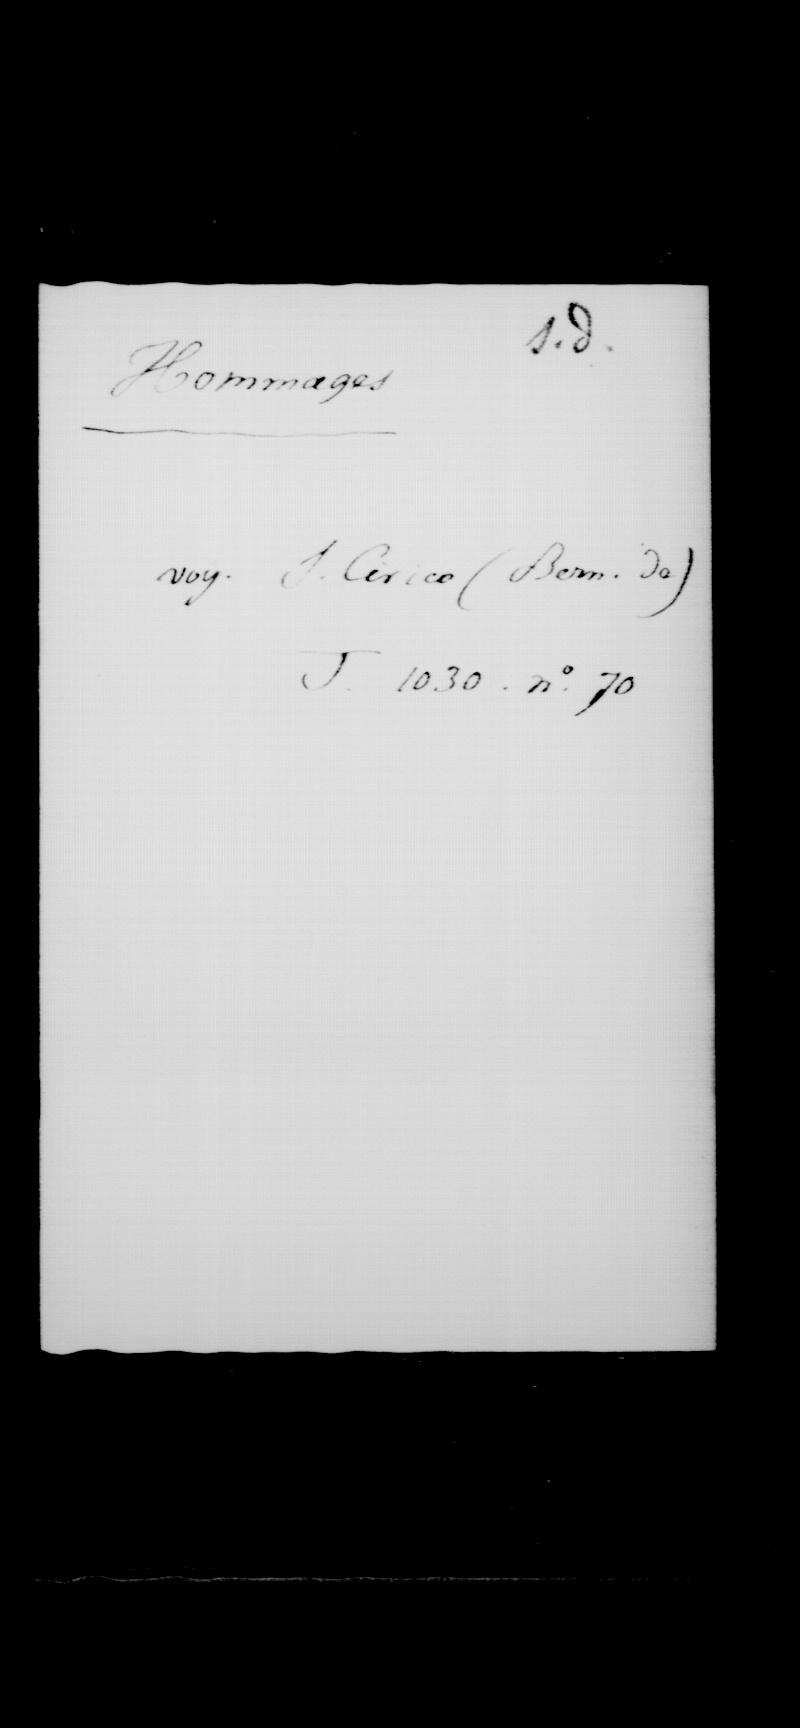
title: Hommages
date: S.d.
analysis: Voir S. Cirico (Bernard de)
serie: J
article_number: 1030
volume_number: n° 70
